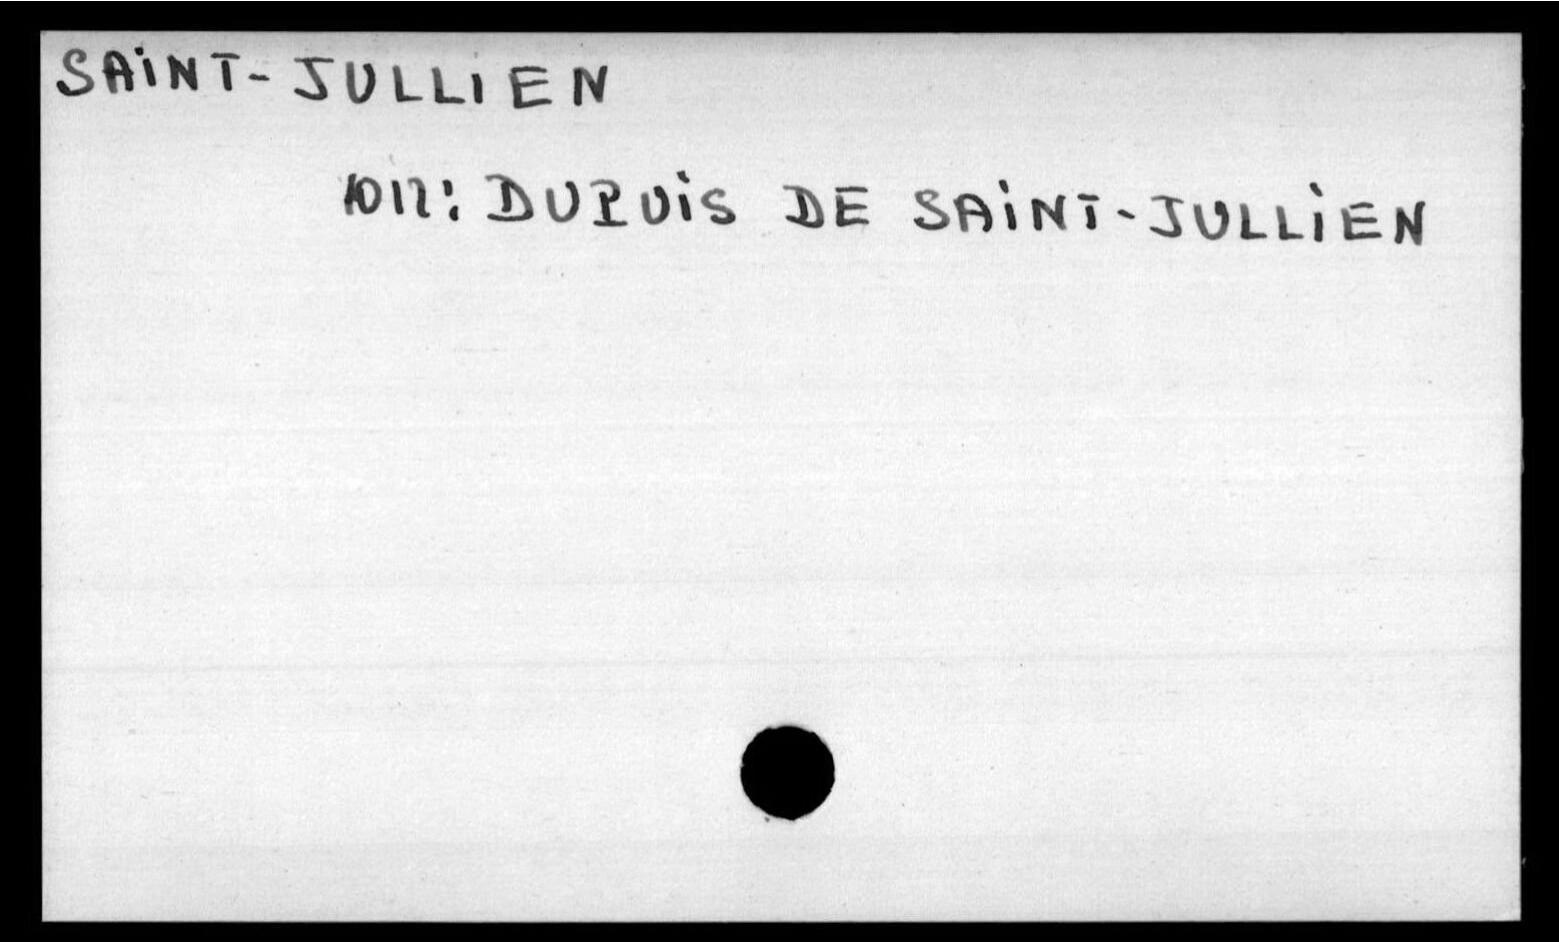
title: SAINT-JULLIEN
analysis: Voir : DUPUIS DE SAINT-JULLIEN
